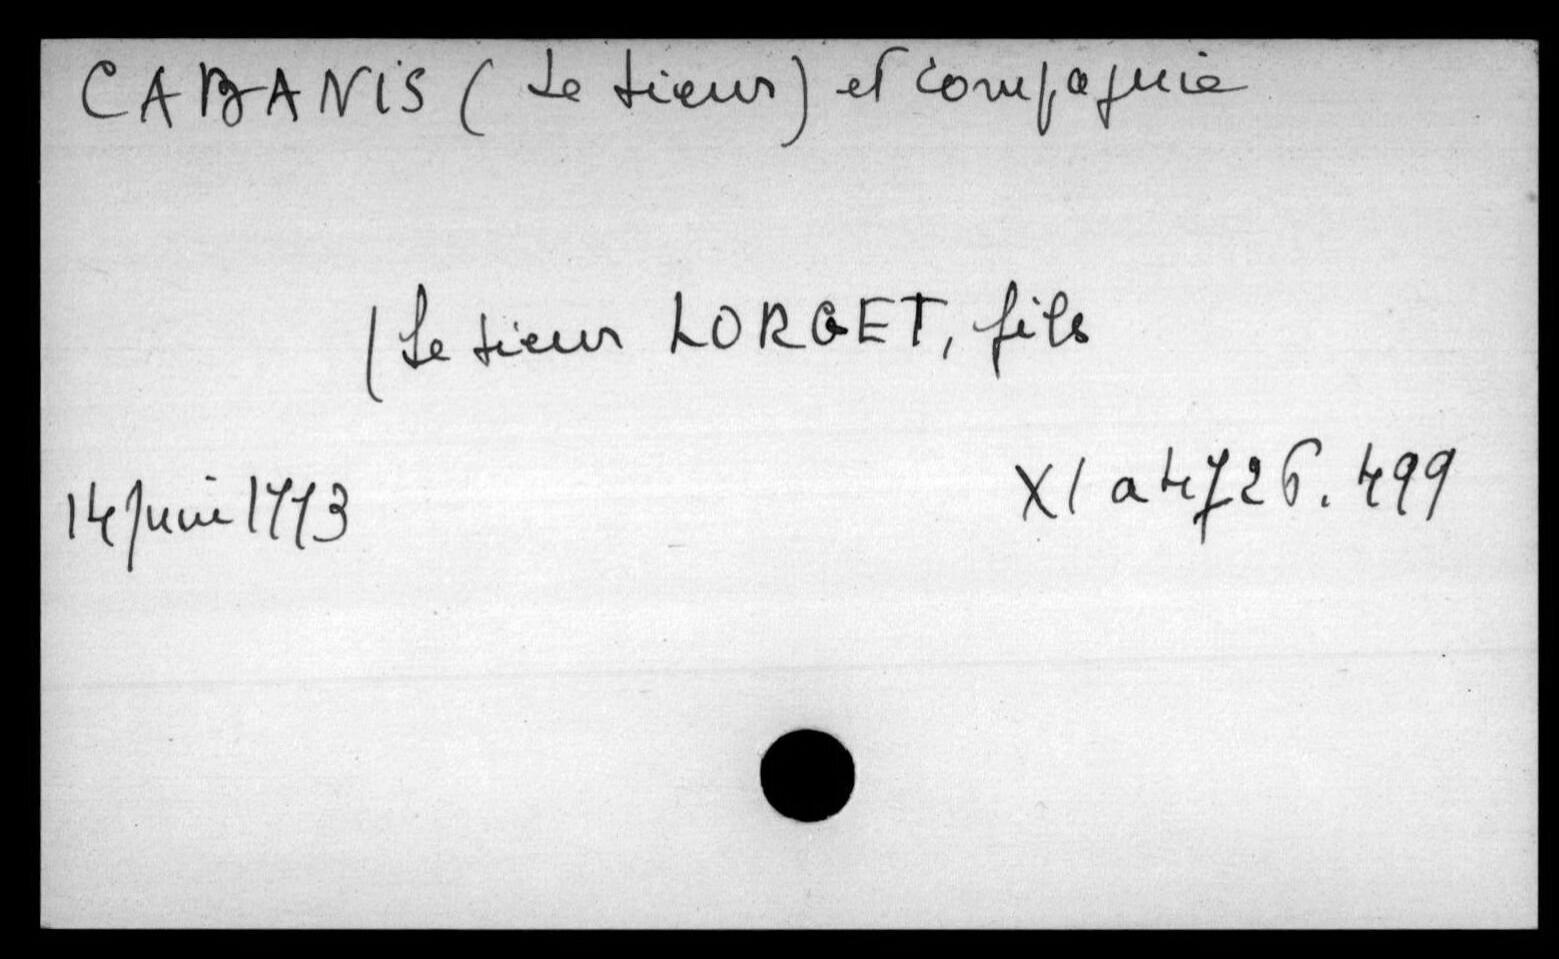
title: ABANIS (le sieur) et compagnie
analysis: Contre le sieur LORGET, fils
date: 14 juin 1773
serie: X1a
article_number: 4726
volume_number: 499
